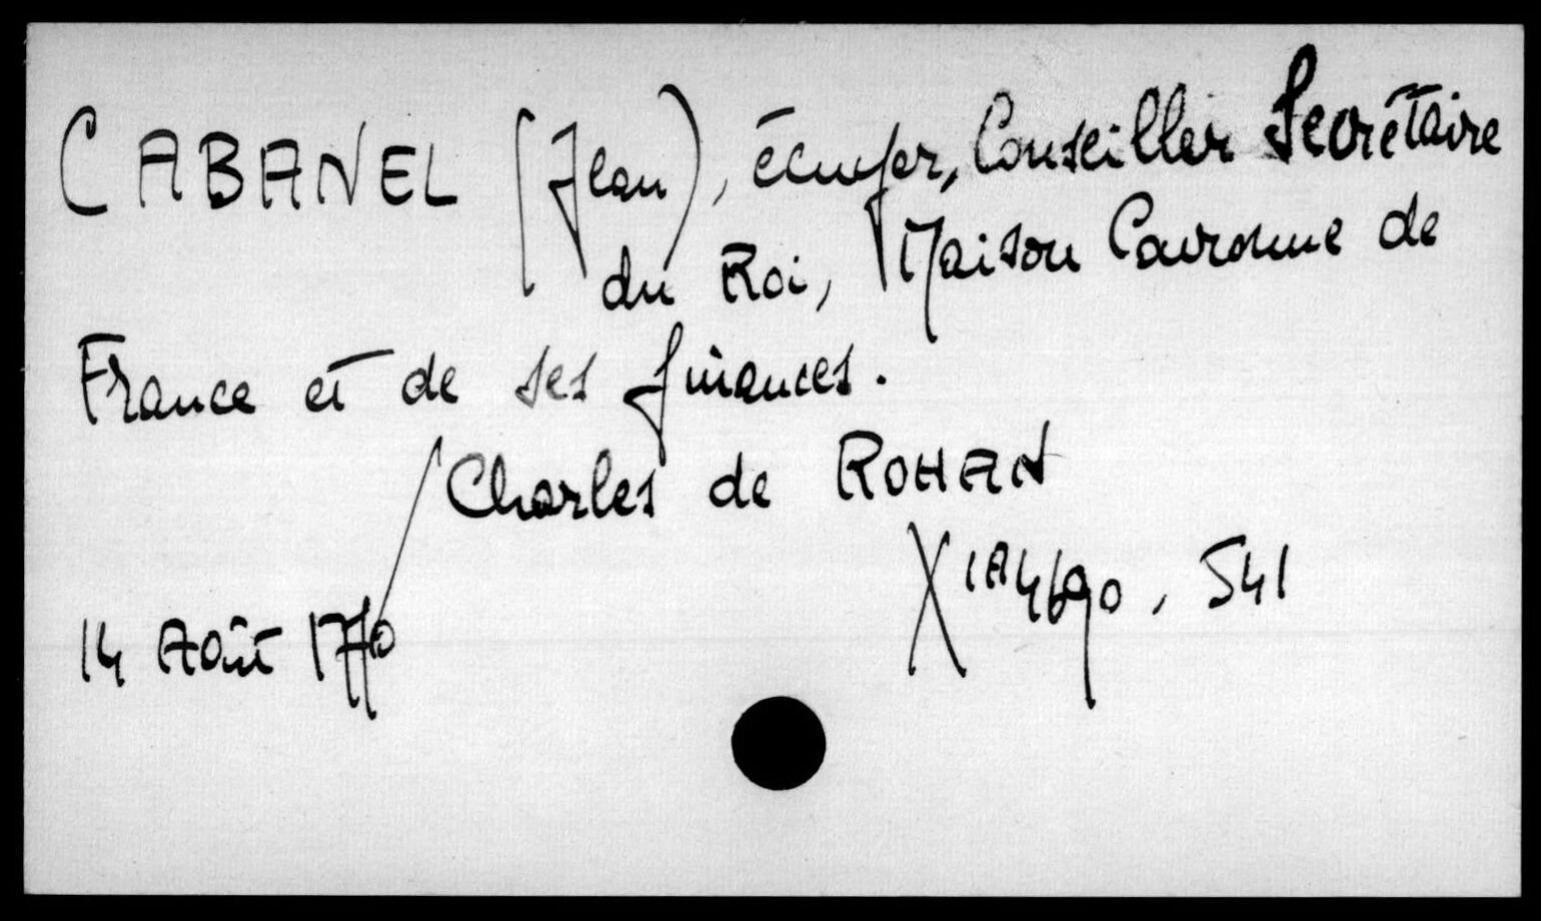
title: CABANEL (Jean), écuyer, conseiller secrétaire du Roi, Maison Couronne de France et de ses finances
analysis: Contre Charles de ROHAN
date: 14 août 1770
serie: X1A
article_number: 4690
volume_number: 541
